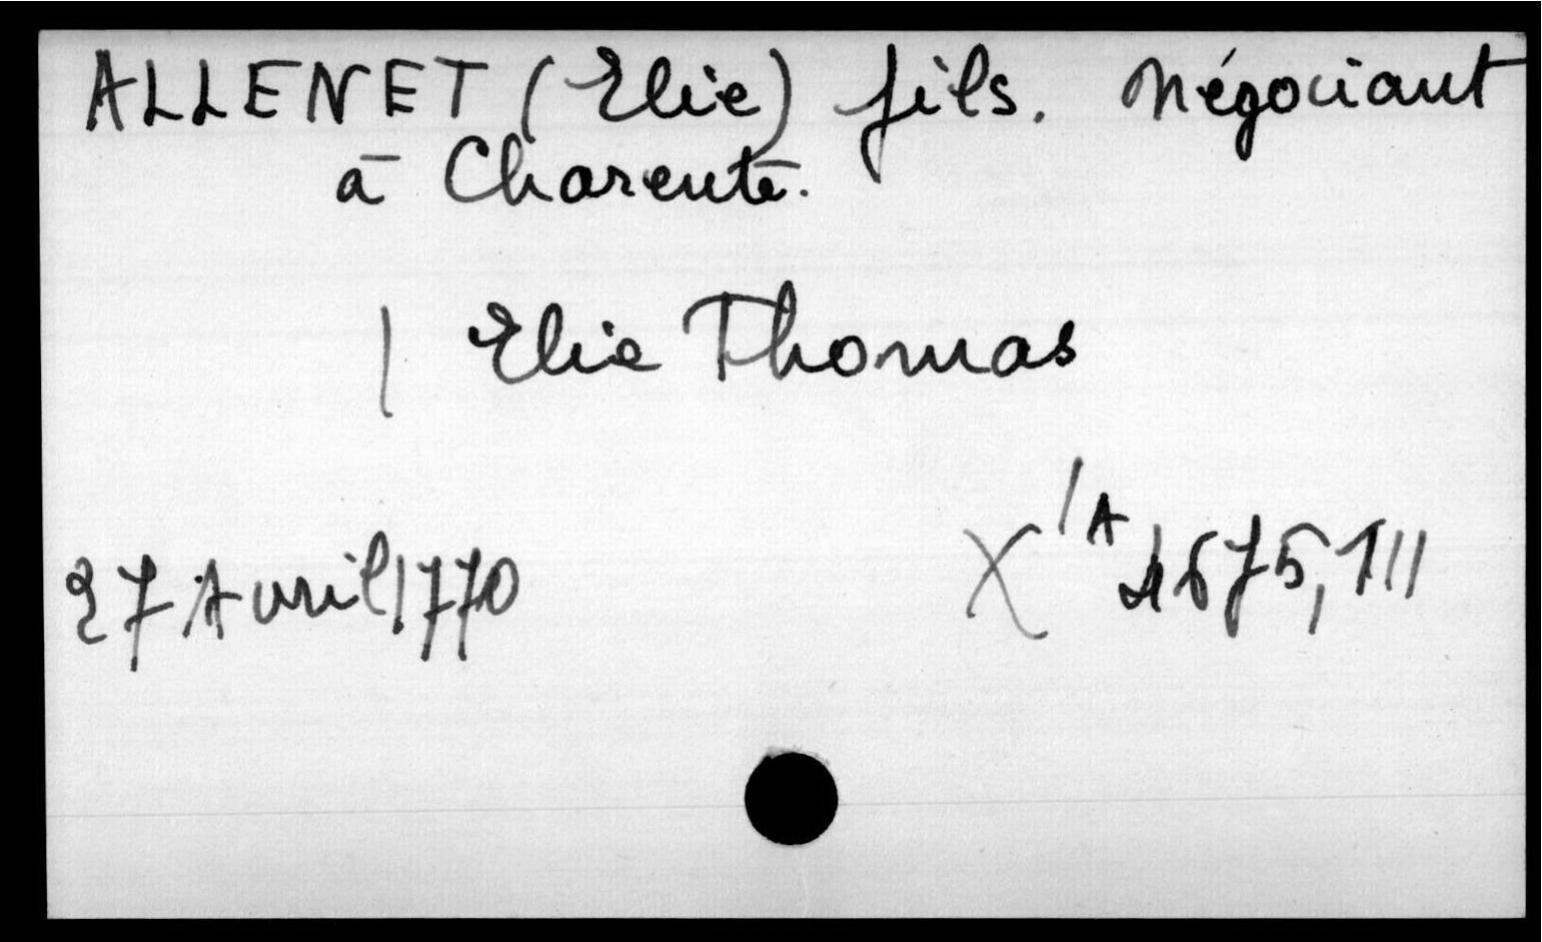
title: ALLENET (Elie) filsl, négociant à Charente
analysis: Contre Élie Thomas
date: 27 avril 1770
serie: X1A
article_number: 4675
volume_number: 111
